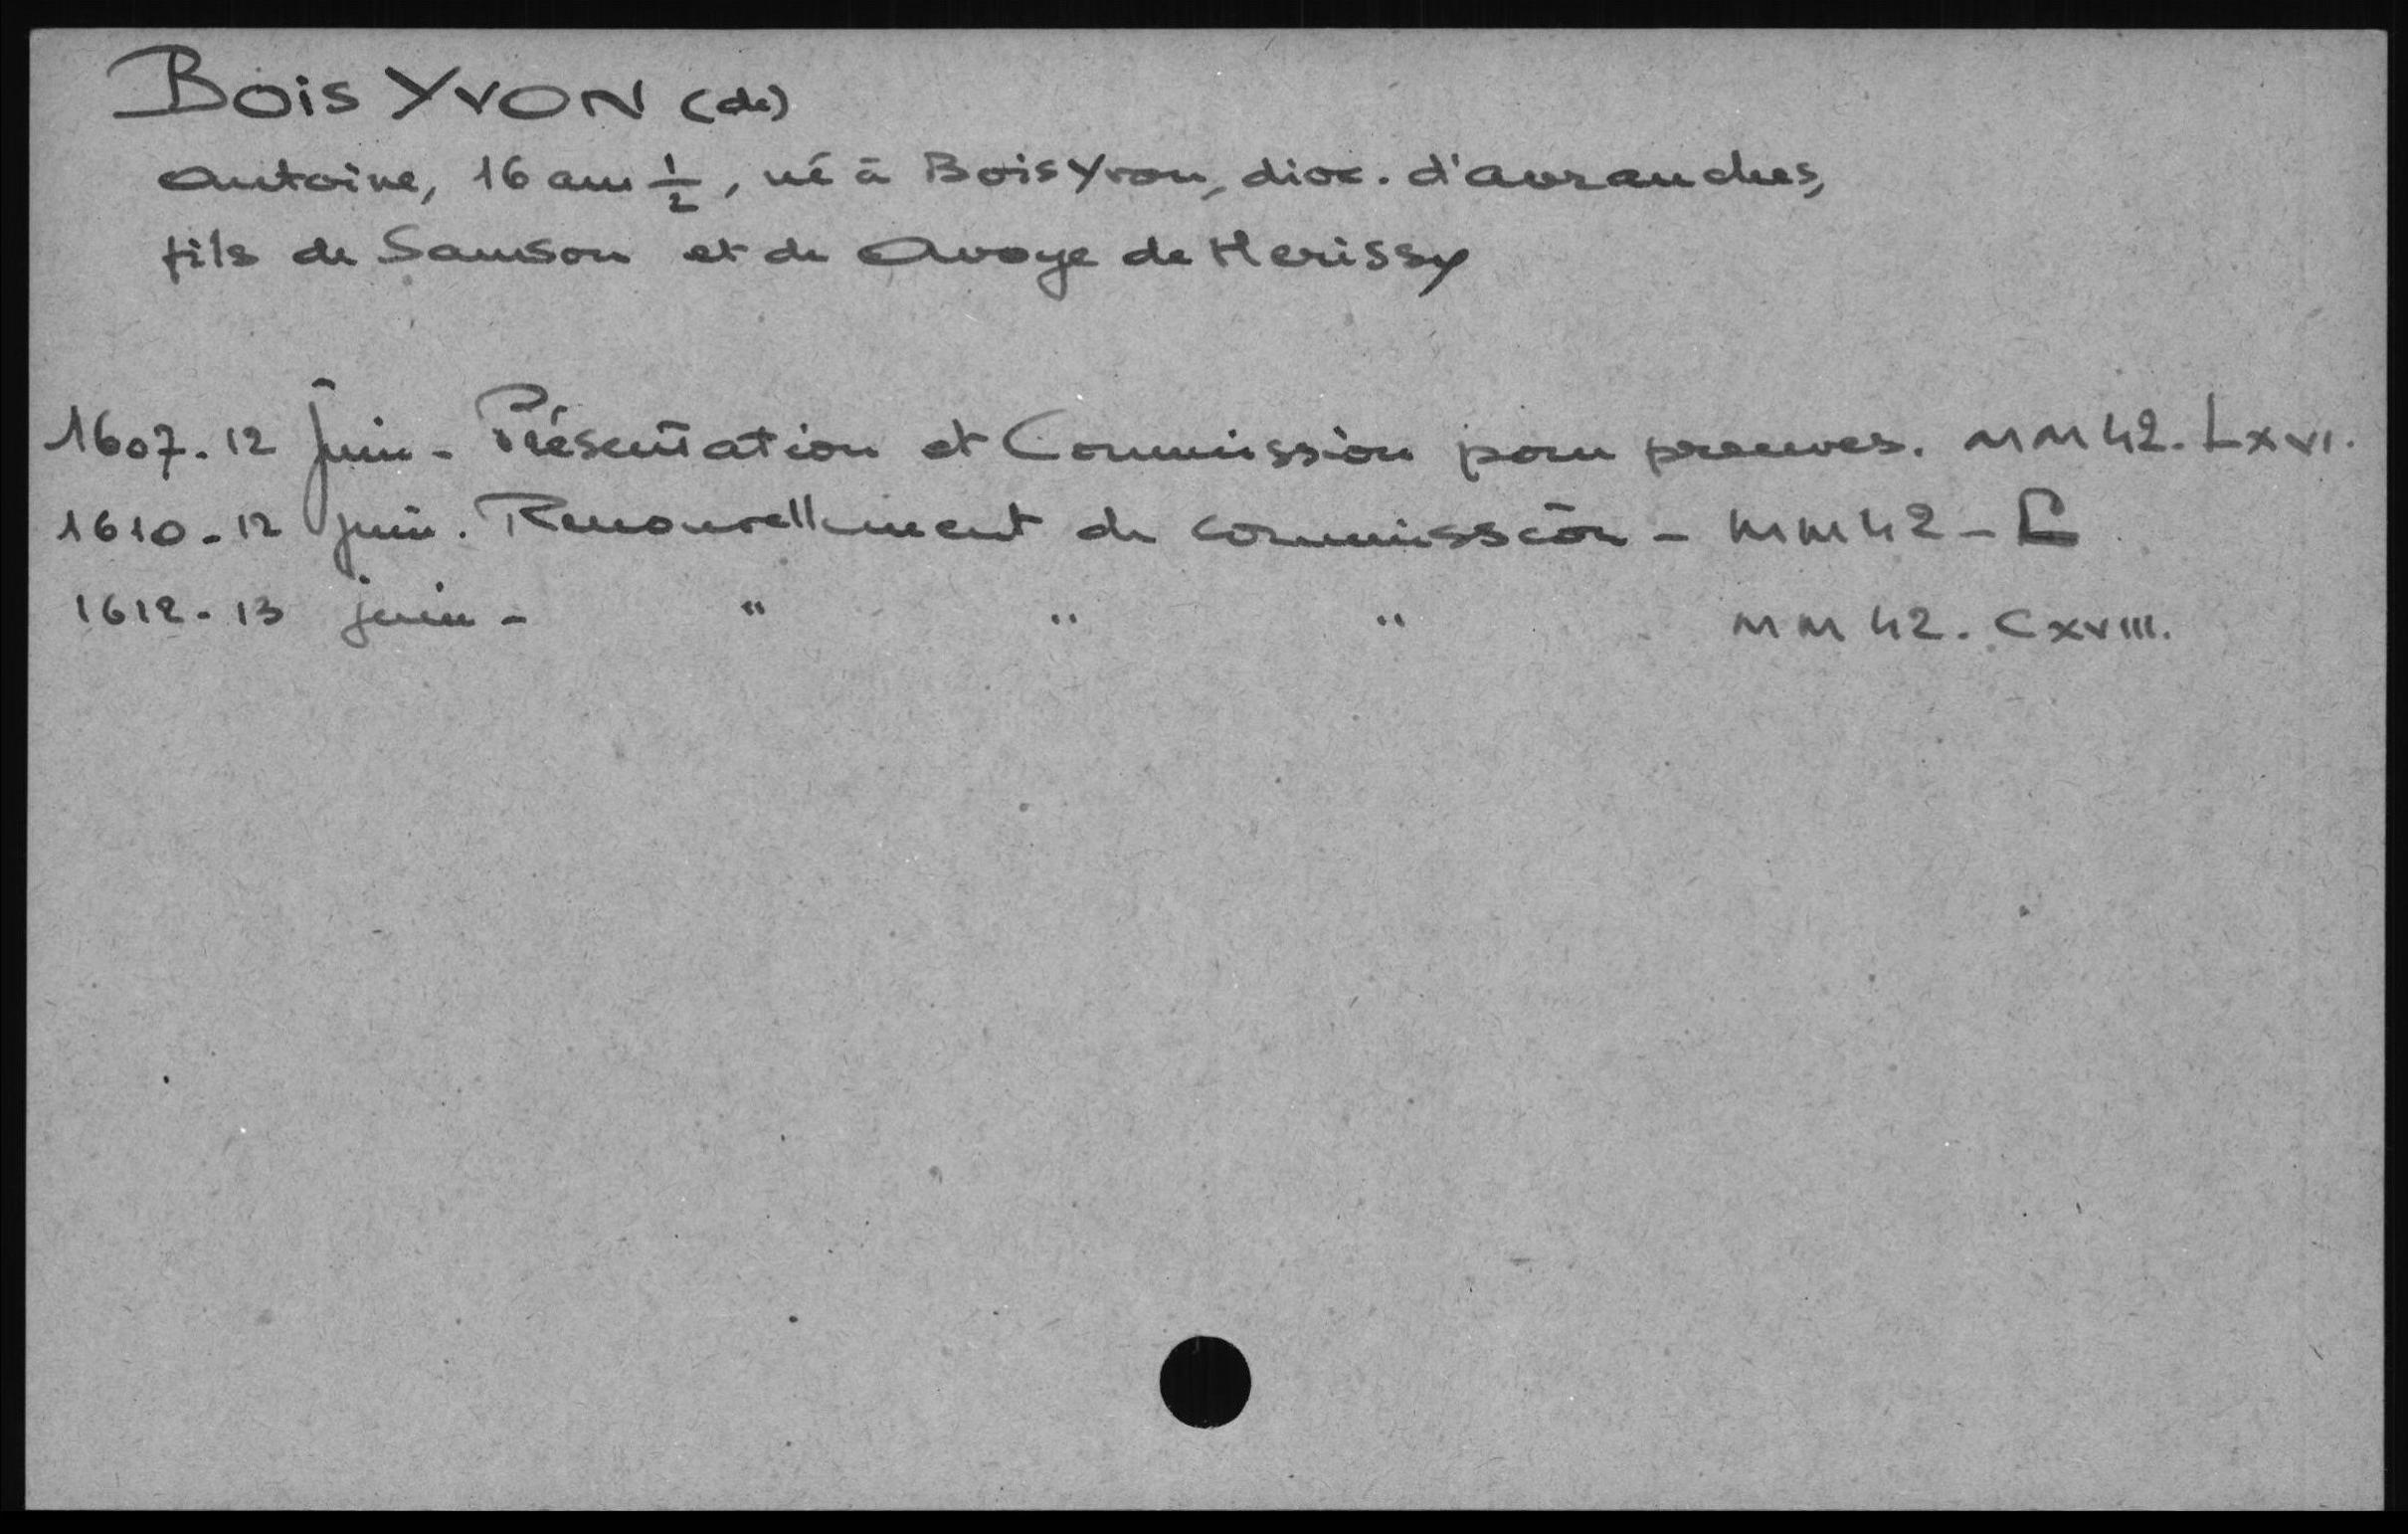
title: BOISYVON (de), Antoine, 16 ans 1/2, né à Boisyvon, diocèse d'Avranches, fils de Samson et de Avoye de Herissy
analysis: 1607, 12 juin. Présentation et commission pour preuves. MM 42, LXVI. 1610, 12 juin. Renouvellement de commission. MM 42, C. 1612, 13 juin. " " " MM 42, CXVIII.
